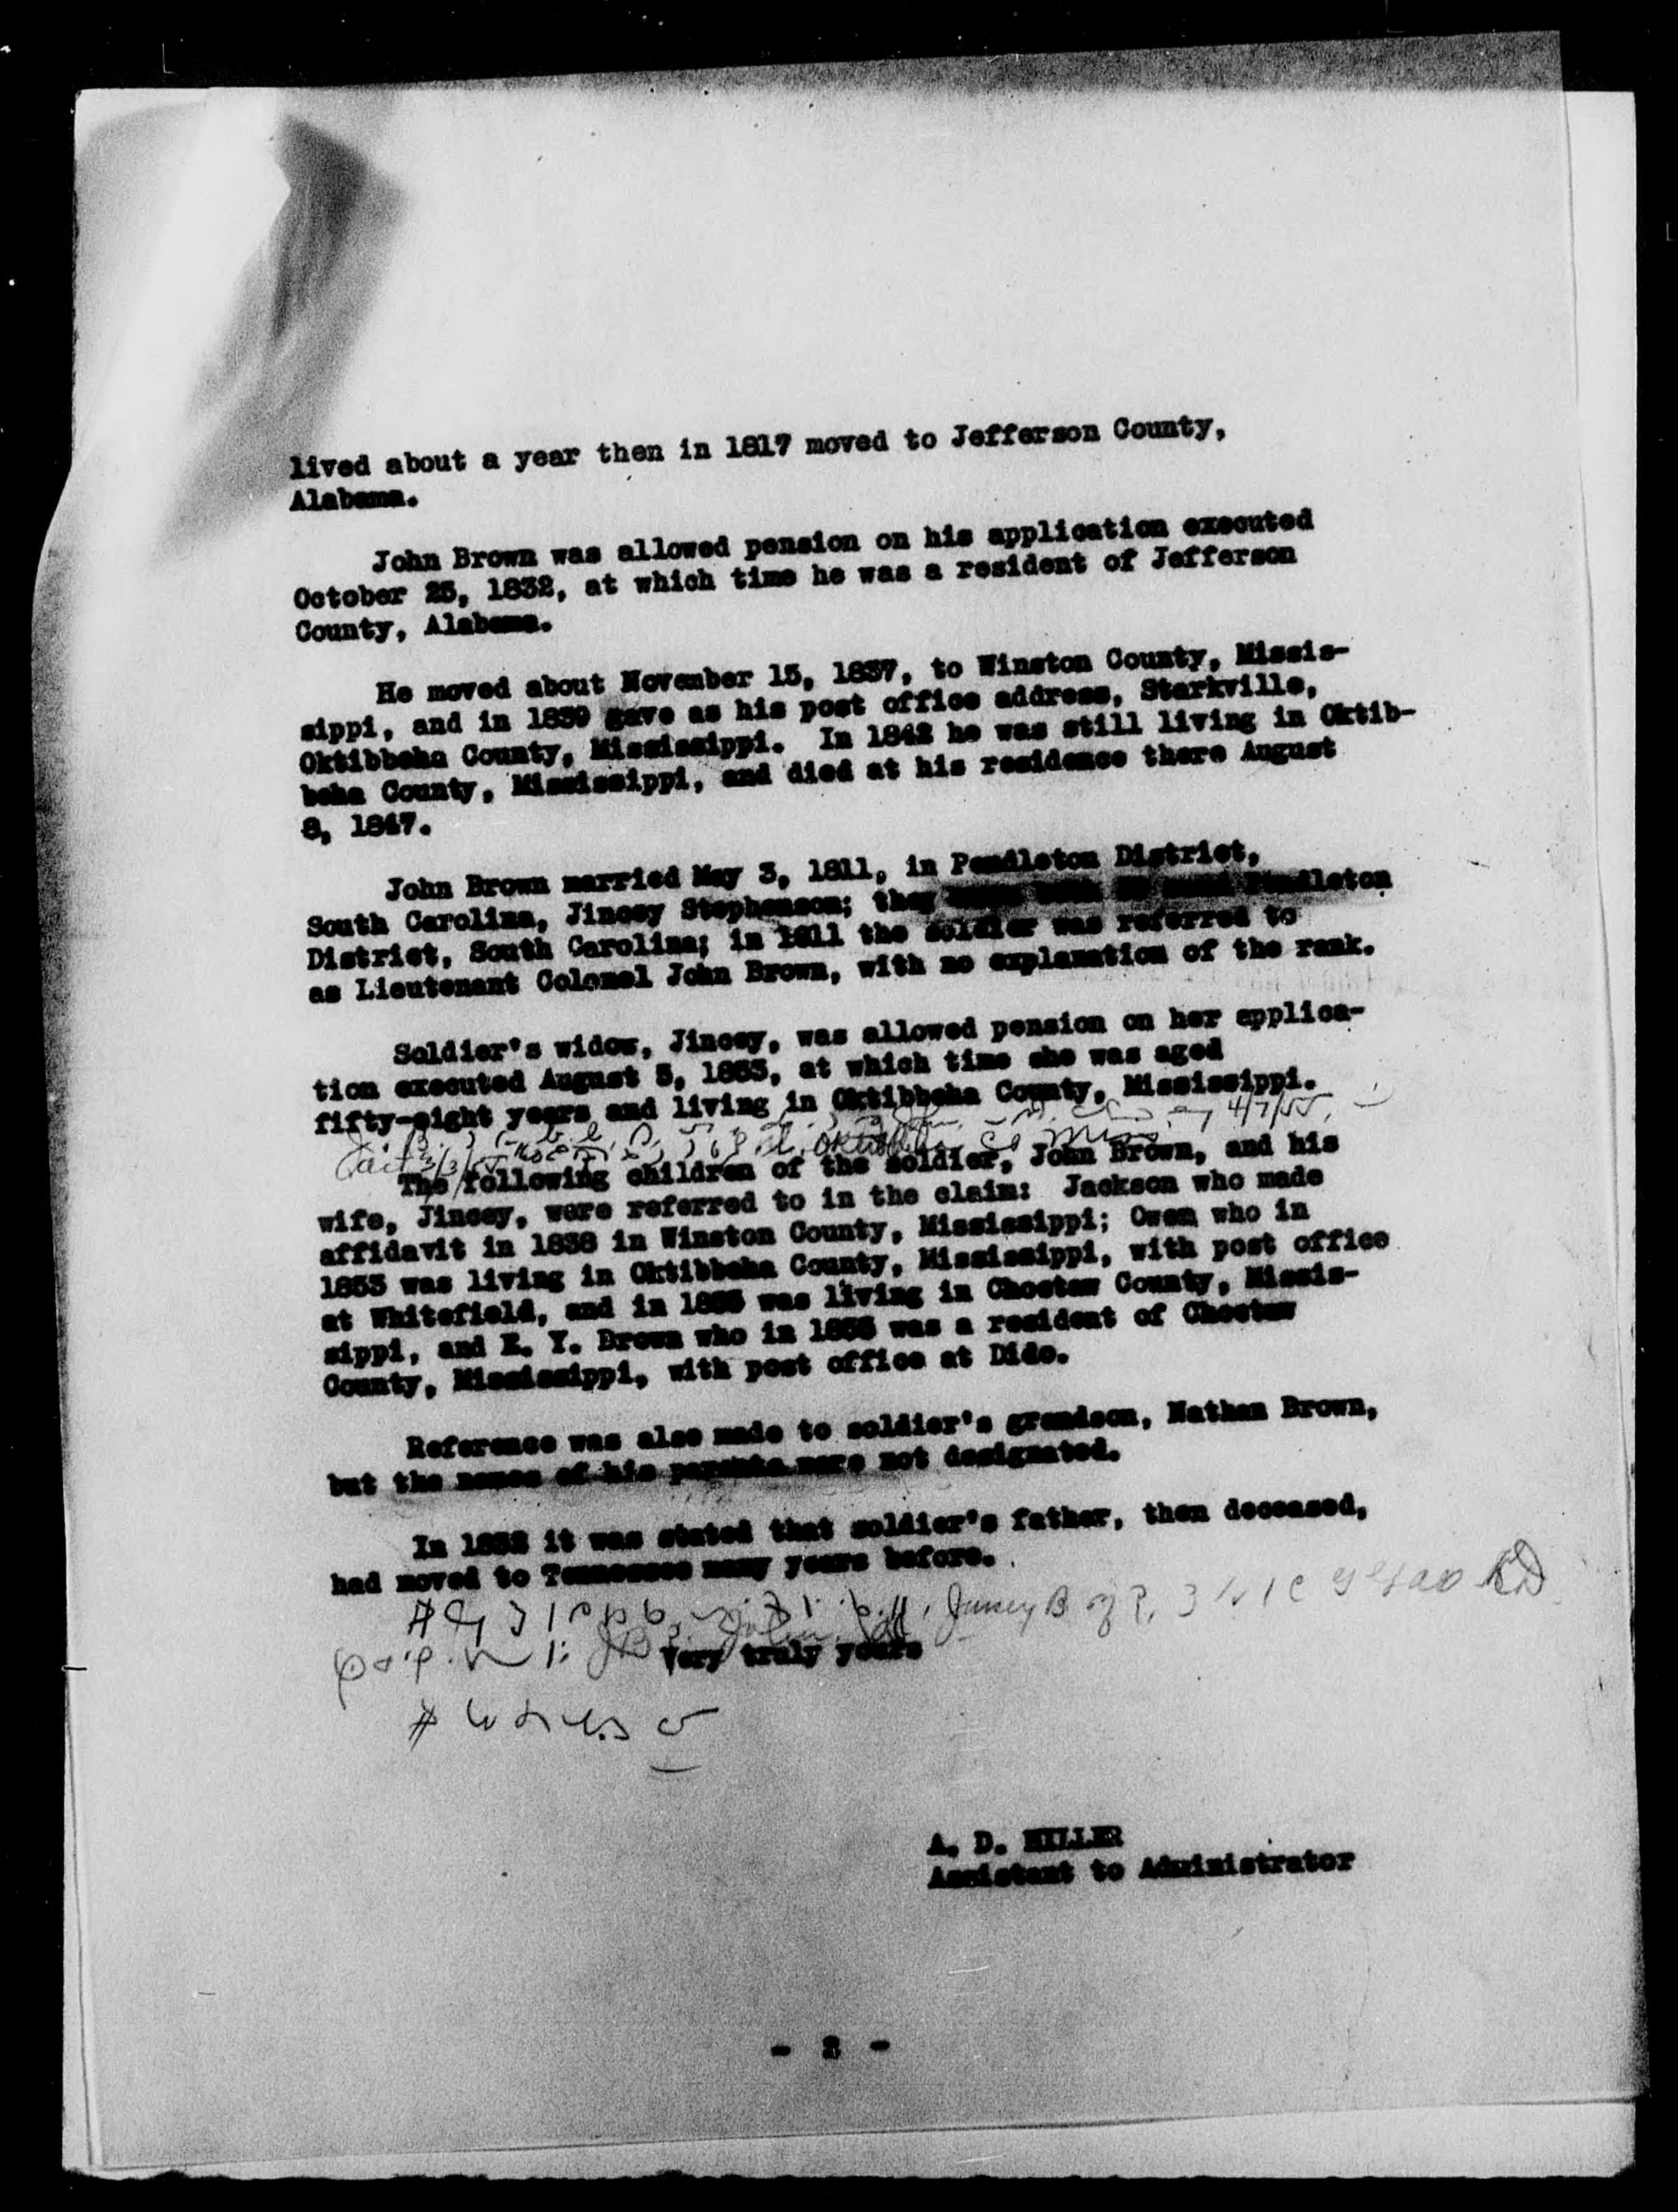lived about a year, then in 1817 moved to Jefferson County, Alabama.

John Brown was allowed pension on his application executed October 25, 1832, at which time he was a resident  in Jefferson County, Alabama.  

He moved about November 15, 1837, to Winston County, Mississippi, and in 1839 gave as his post-office address, Starkville, Oktibbeha County,  Mississippi.  In 1842 he was still living in Oktibbeha County,  Mississippit and died at his residence  August 8, 1847.

John Brown married May 3, 1811, in Pendleton District, 
South Carolina,  Jincey Stephenson. They were both [illegible]District, South Carolina;   in 1811 the soldier was referred to
 as Lieutenant Colonel John Brown, with no explanation of the rank.
.
Soldier's widow, Jincey, was allowed pension on her application 
executed August 5, 1865, at which time she was aged fifty-eight years and  living in Oktibbeha County, Mississippi.

The following names of children of John Brown and his 
wife, Jincey, were referred to in the claim:  Jackson who made 
affidavit in Winston County, Mississippi, in 1838; Owen who in 
1853 was living in  Oktibbeha County, Mississippi, with post office 
at Whitefield, and in 1855 he was living in Choctaw County, Mississippi; and E. Y. Brown who in 1855 was a resident of Choctaw County, Mississippi, with post office at Dido.

Reference was also made to soldier's grandson Nathan Brown, 
but the names of his parents were not designated.

In 1832, it was stated that soldier's father, then deceased, 
had moved to Tennessee many years before.

Very truly yours
A. D. HILLER
Executive Assistant to the Administrator

-2-

[note: in 2 placed in this letter there are handwritten notes which appear to be written in  "shorthand" and could not be transcribed]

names: Jincey, A D Hiller, Jincey Stephenson, E Y Brown, Jackson, Nathan Brown, Jincey, John Brown, John Brown, John Brown, John Brown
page: 32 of 85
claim: widow's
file: W. 5,906, John Brown, S.C.